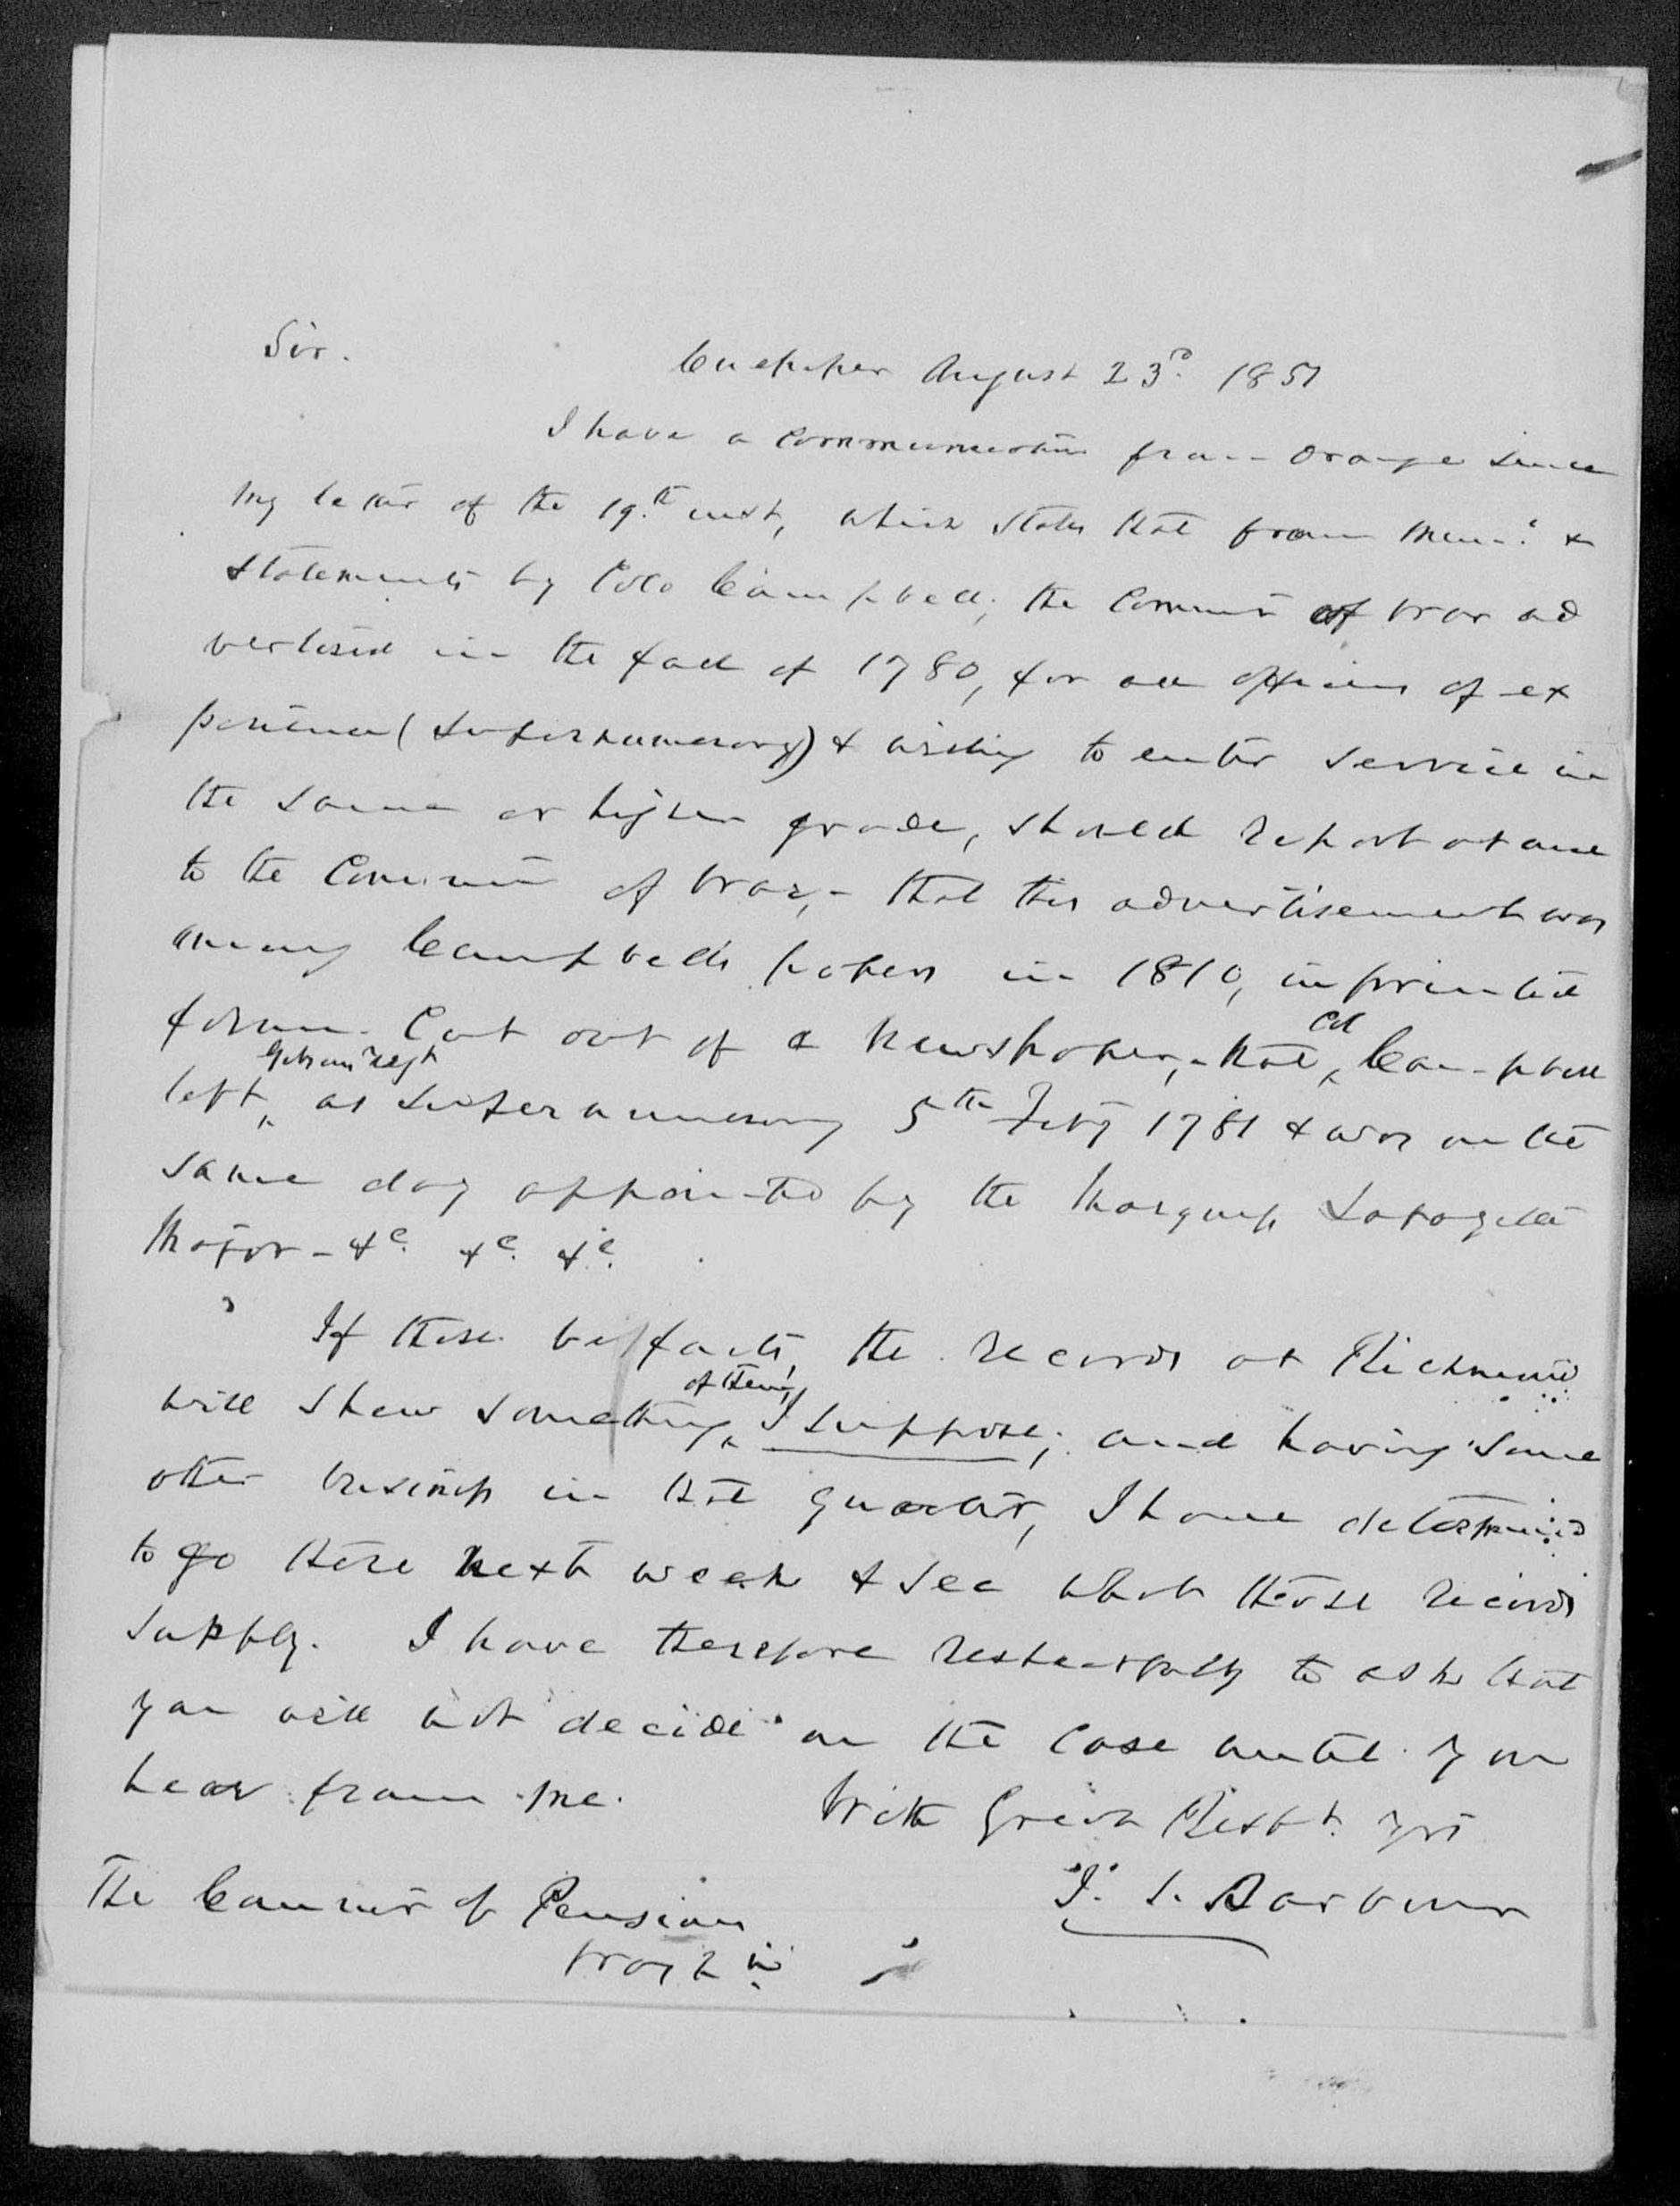Culpeper August 23rd. 1851
Sir.
I have a communication from Orange since my letter of the 19th last, which states that from mine +[and] statements by Colo Campbell; the Commr. of War advertised in the fall of 1780, for all officers of experience (Supernumerary) +[and] wishing to enter service in the same or higher grade, should report at and to the Commr. of War, -- that this advertisement was among Campbell's papers in 1810, in printed form. Cut out of a Newspaper, that Col Campbell left Gibsons Regt as Supernumerary 5th  Feby. 1781 +[and] was on the same day appointed by the Marquis Lafayette Major -- +c.  +c.  +c. [et cetera, et cetera, et cetera].
If these be facts, the records at Richmond will show something of them I suppose {underlined "I suppose"]; and having some other business in that quarter, I have determined to go there next week +[and] see what those records supply. I have therefore respectfully to ask that you will not "decide" on the case until you hear from me.
With Great Respt. yrs.
J. S. Barbour

The Commr. of Pensions
Washn.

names: J S Barbour, Campbell, Mary Campbell, Campbell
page: 209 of 267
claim: widow's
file: W. 4,149, William Campbell, Va.